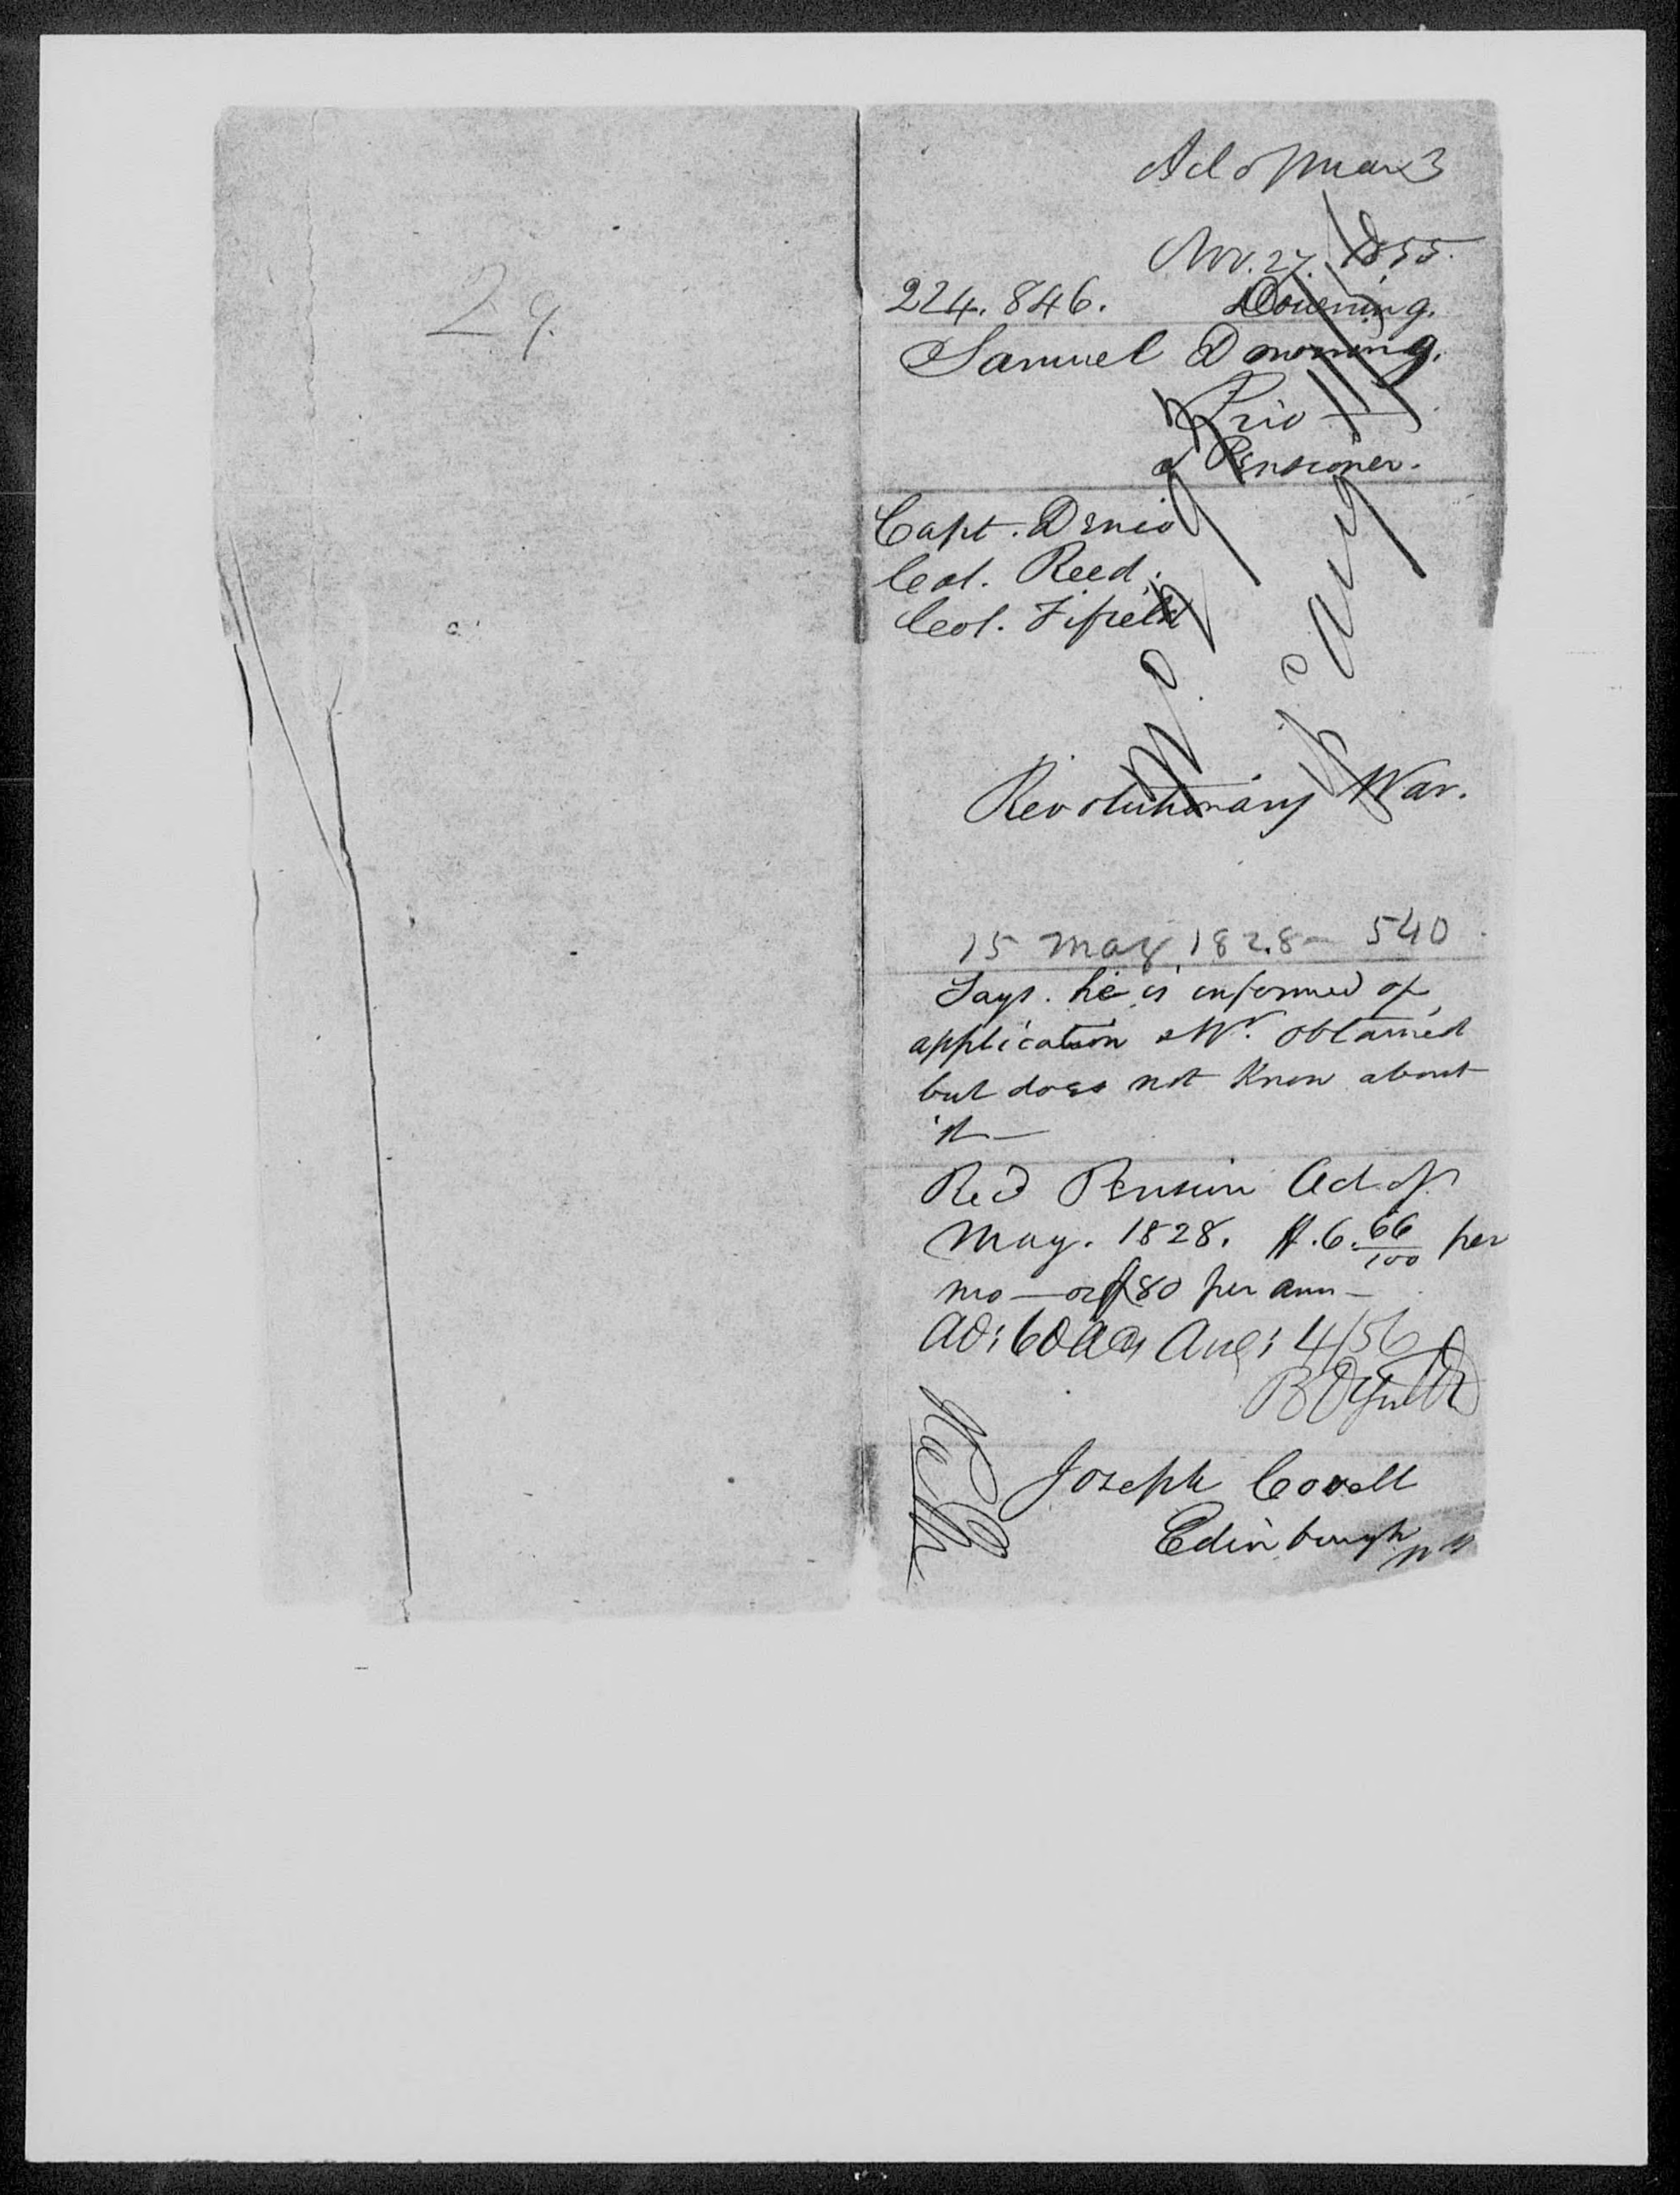(illegible) 3
Nov. 27. 1855
224.846 Downing
Samuel Downing
Priv of Pensioner
Capt. Denis
Col. Reed
Col. Sifield
Revolutionary War 
15 May 1828 - 540
Says he is informed of application (illegible) but does not know about ‘N-
Recd Pension Act of May. 1828. $6 66/100 per mo- or $80 per ann -
AO: 60am Aug: 4/56
B (illegible)
Joseph Covell
Edinburgh N.H
No 293 of Aug 11/56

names: Downing, Reed, Joseph Covell, Samuel Downing, Boynton, Fifield, Denis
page: 3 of 56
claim: survivor's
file: S. 40,055, Samuel Downing, N.H.